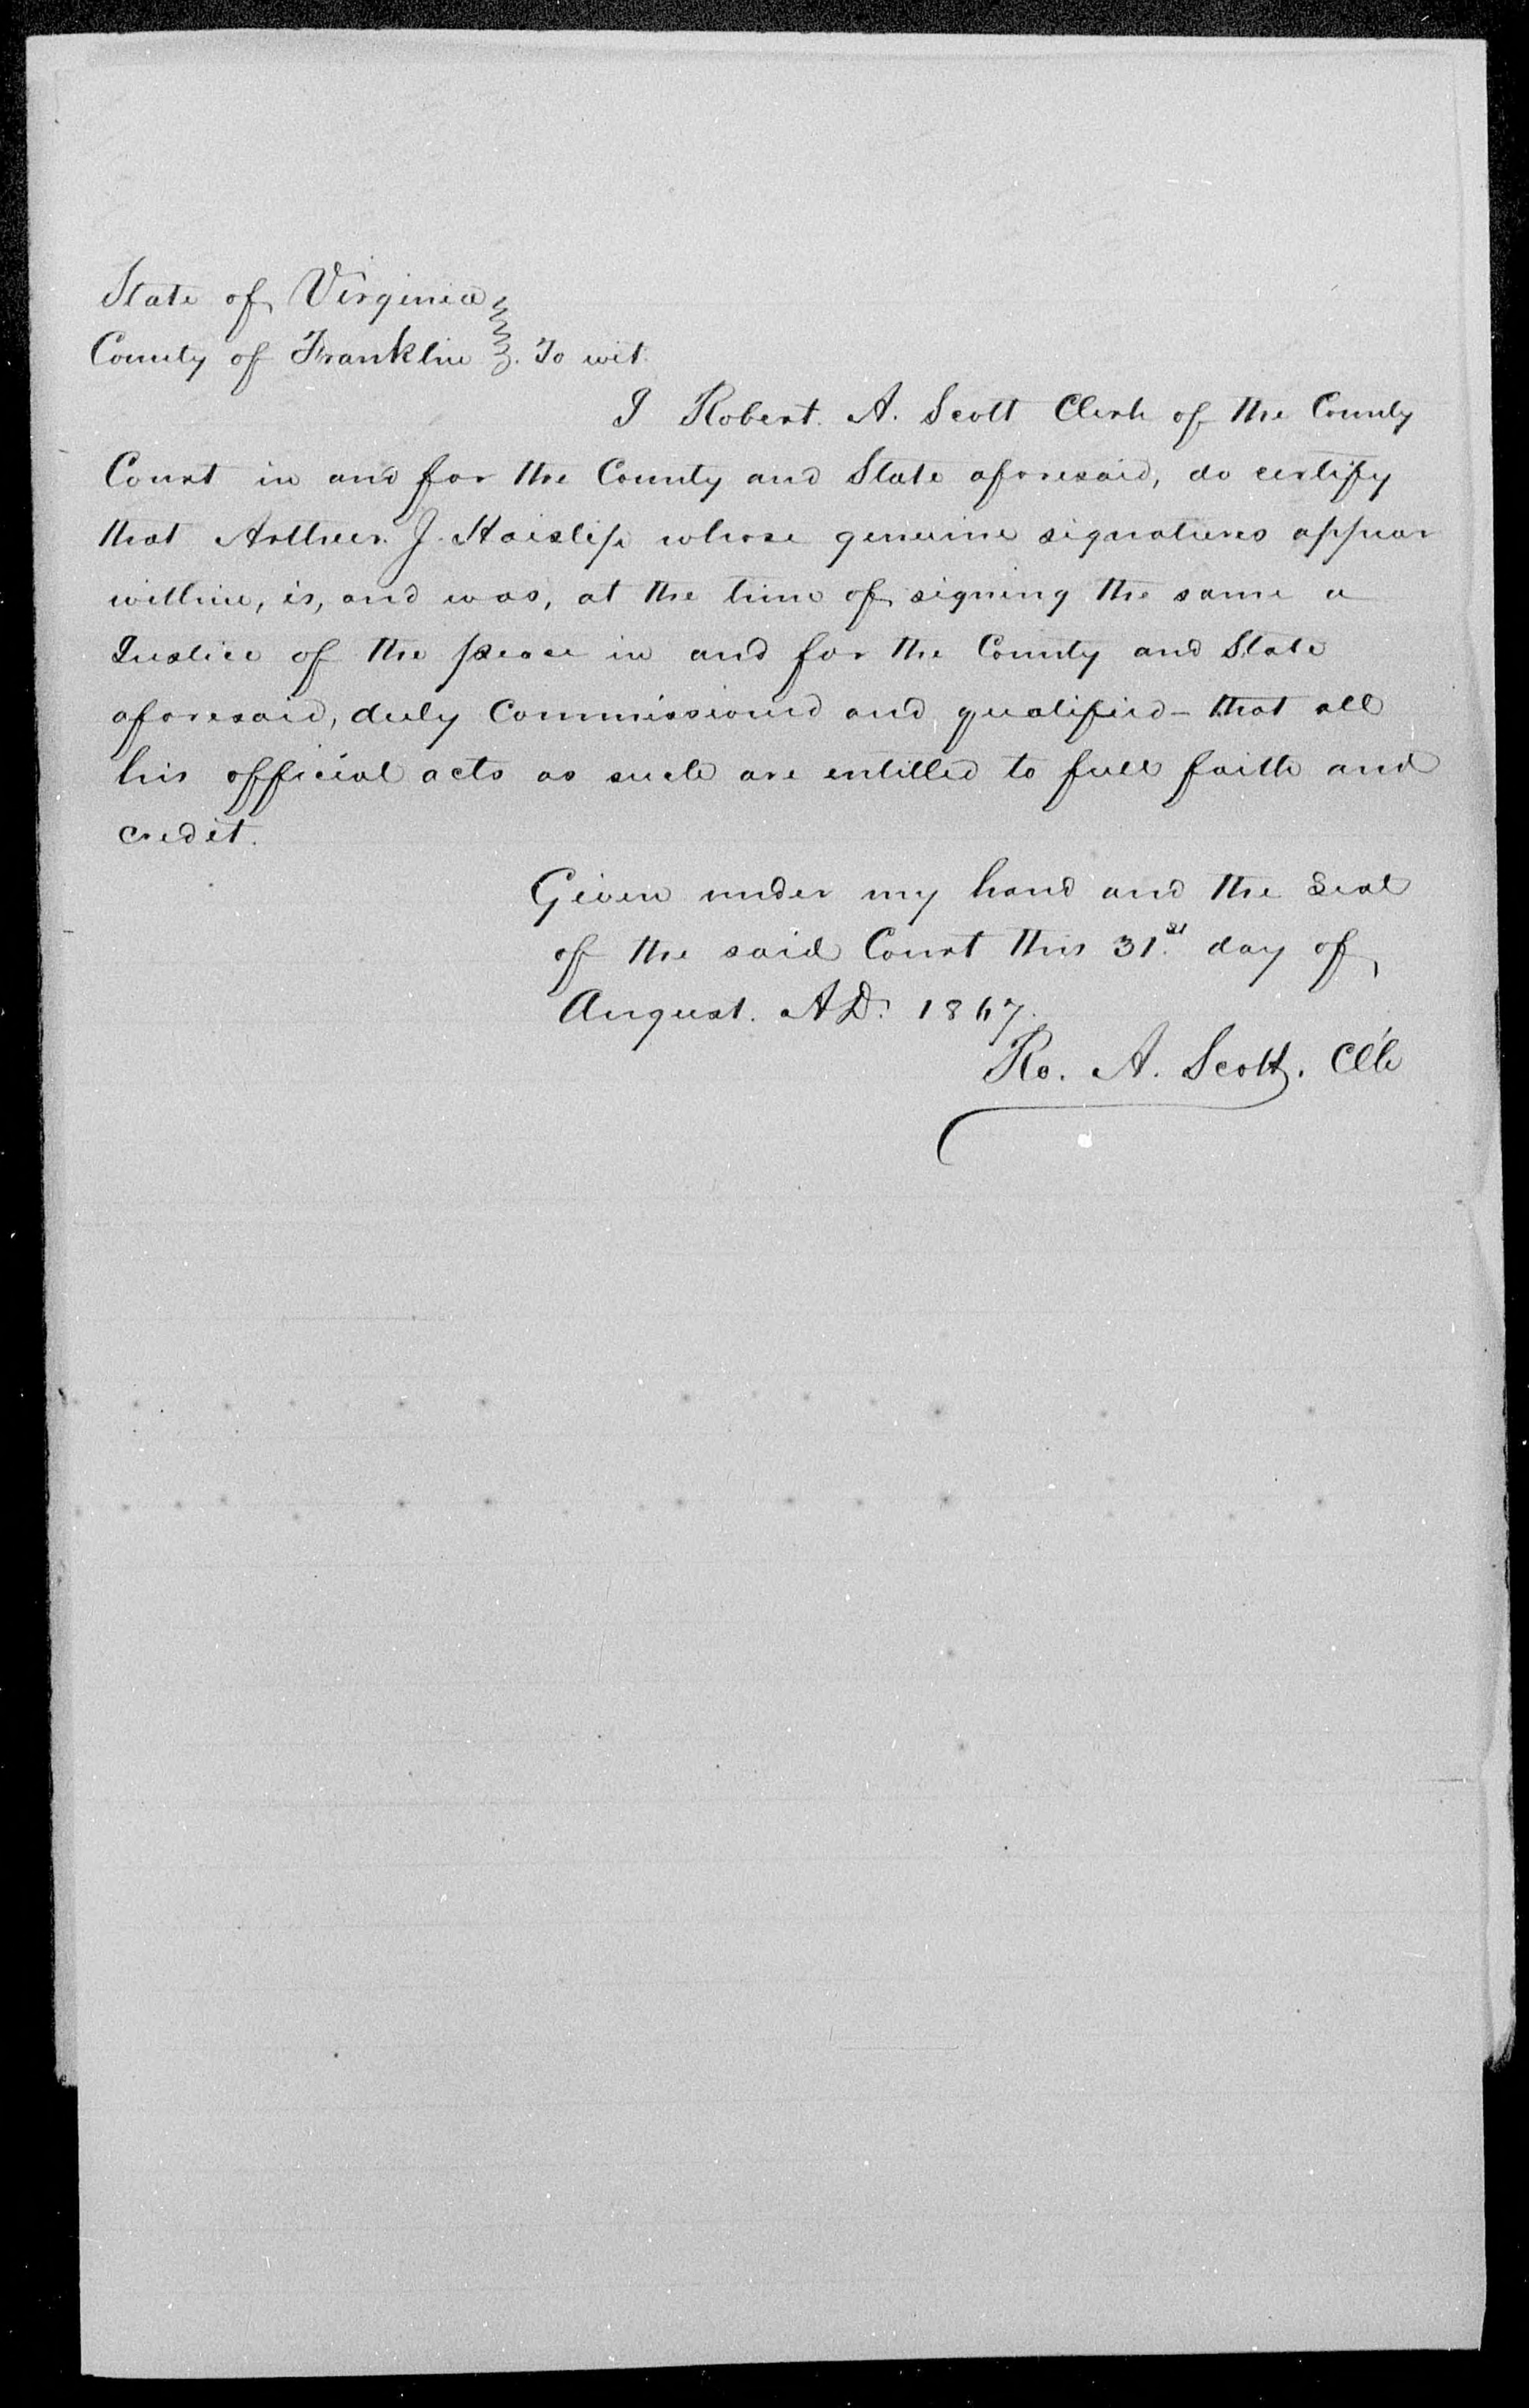State of Virginia}
County of Franklin} To wit

I Robert S. Scott Clerk of the Couty Court in and for the County and State aforesaid do certify that             whose genuine signature appears written, is and was, at the time of signing the same a Justice of the Peace in and for the County and State aforesaid, duly Commissioned and qualified that all his official acts as such are entitled to full faith and credit.
Given under my hand and the Seal of the said Court this 31st day of August A.D. 1867
Ro A. Scott, Clk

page: 33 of 33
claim: widow's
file: W. 550, for Leonard Hutts, Virginia